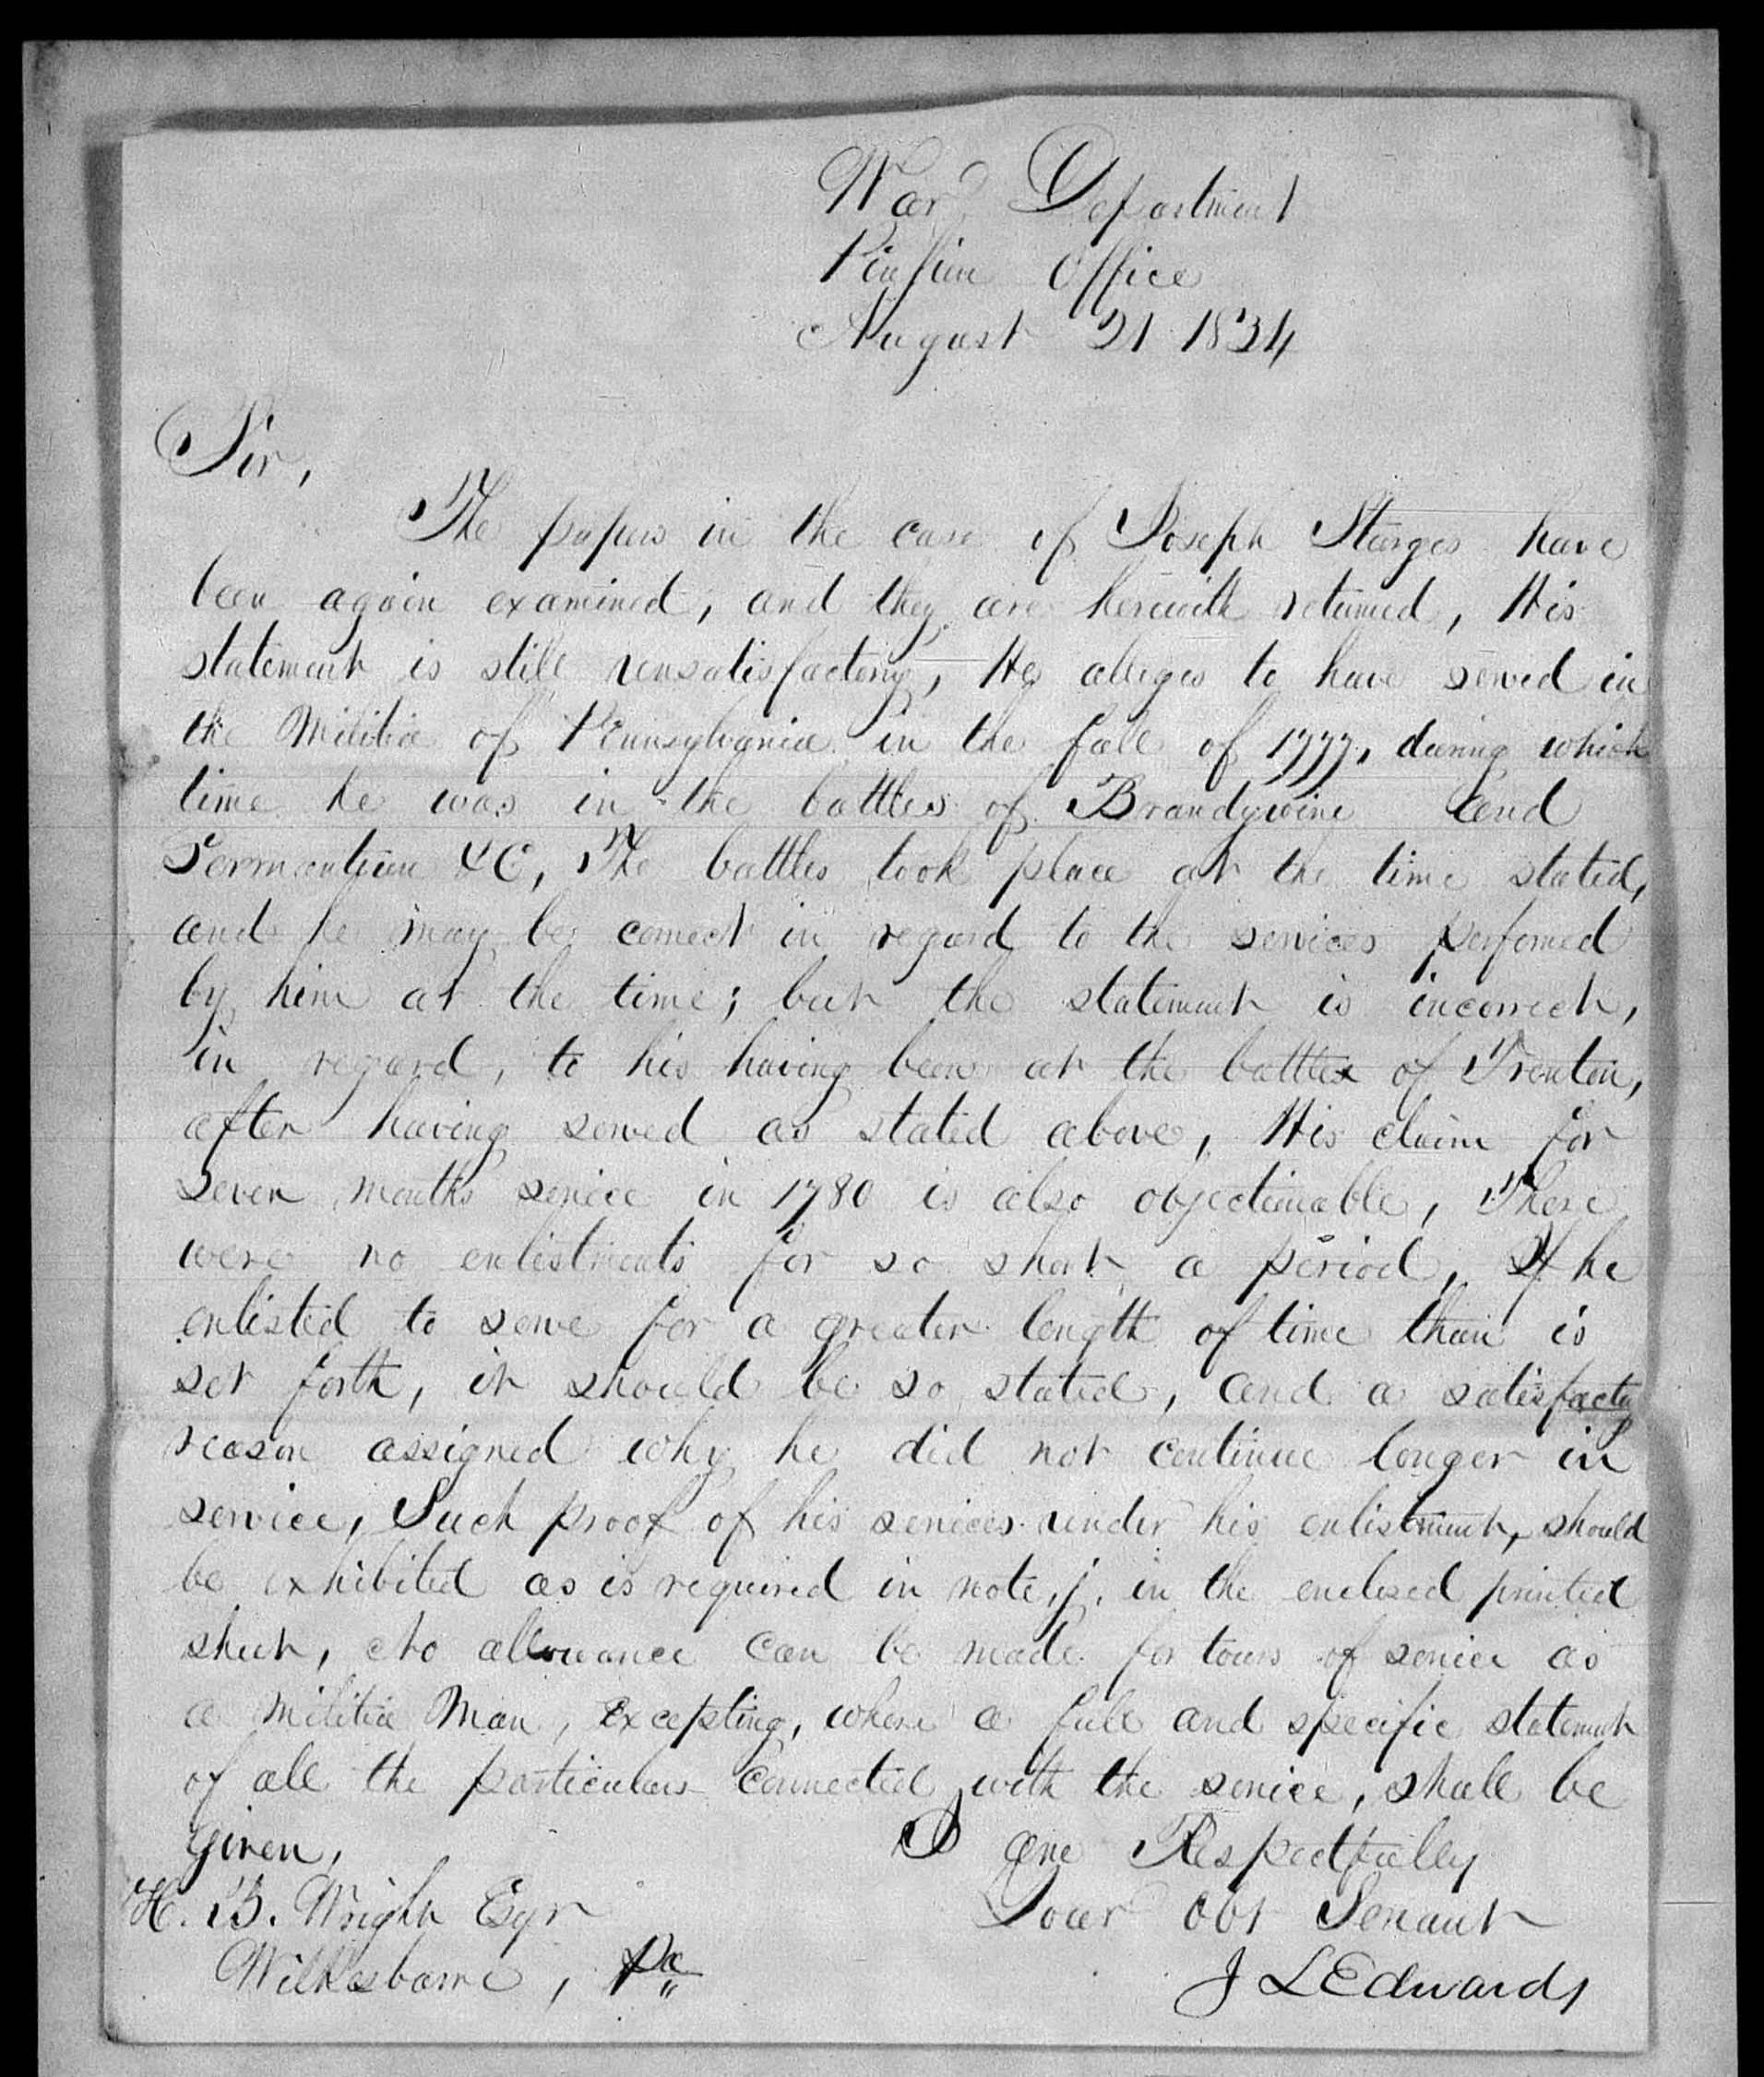War Department         
Pension Office          
August 21 1834   
Sir,
The papers in the case of Joseph Sturges have been again examined, and they are herewith returned, his statement is still unsatisfactory, He alleges to have served in the Militia of Pennsylvania in the fall of 1777, during which time he was in the battle of Brandywine and Germantown &c. The battles took place at the time stated, and he may be correct in regard to the services performed by him at the time; but the statement is incorrect, in regard to his having been at the battle of Trenton, after having served as stated above. His claim for seven months service in 1780 is also objectionable, There were no enlistments for so short a period, he enlisted to serve for a greater length of time than is set forth, it should be so stated, and a satisfactory reason assigned why he did not continue longer in service, such proof of his services under his enlistment should be exhibited as is required in note in the enclosed printed sheet, No allowance can be made for tours of service as militia Man, Excepting, where a full and specific statement of all the particulars connected with the service, shall be Given,    
I am Respectfully,
Your Obt Servant
J. L. Edwards
H. B. Wright Esqr 
Wilkesbarre Pa.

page: 29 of 31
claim: survivor's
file: S. 6154, for Joseph Sturgis, Pennsylvania